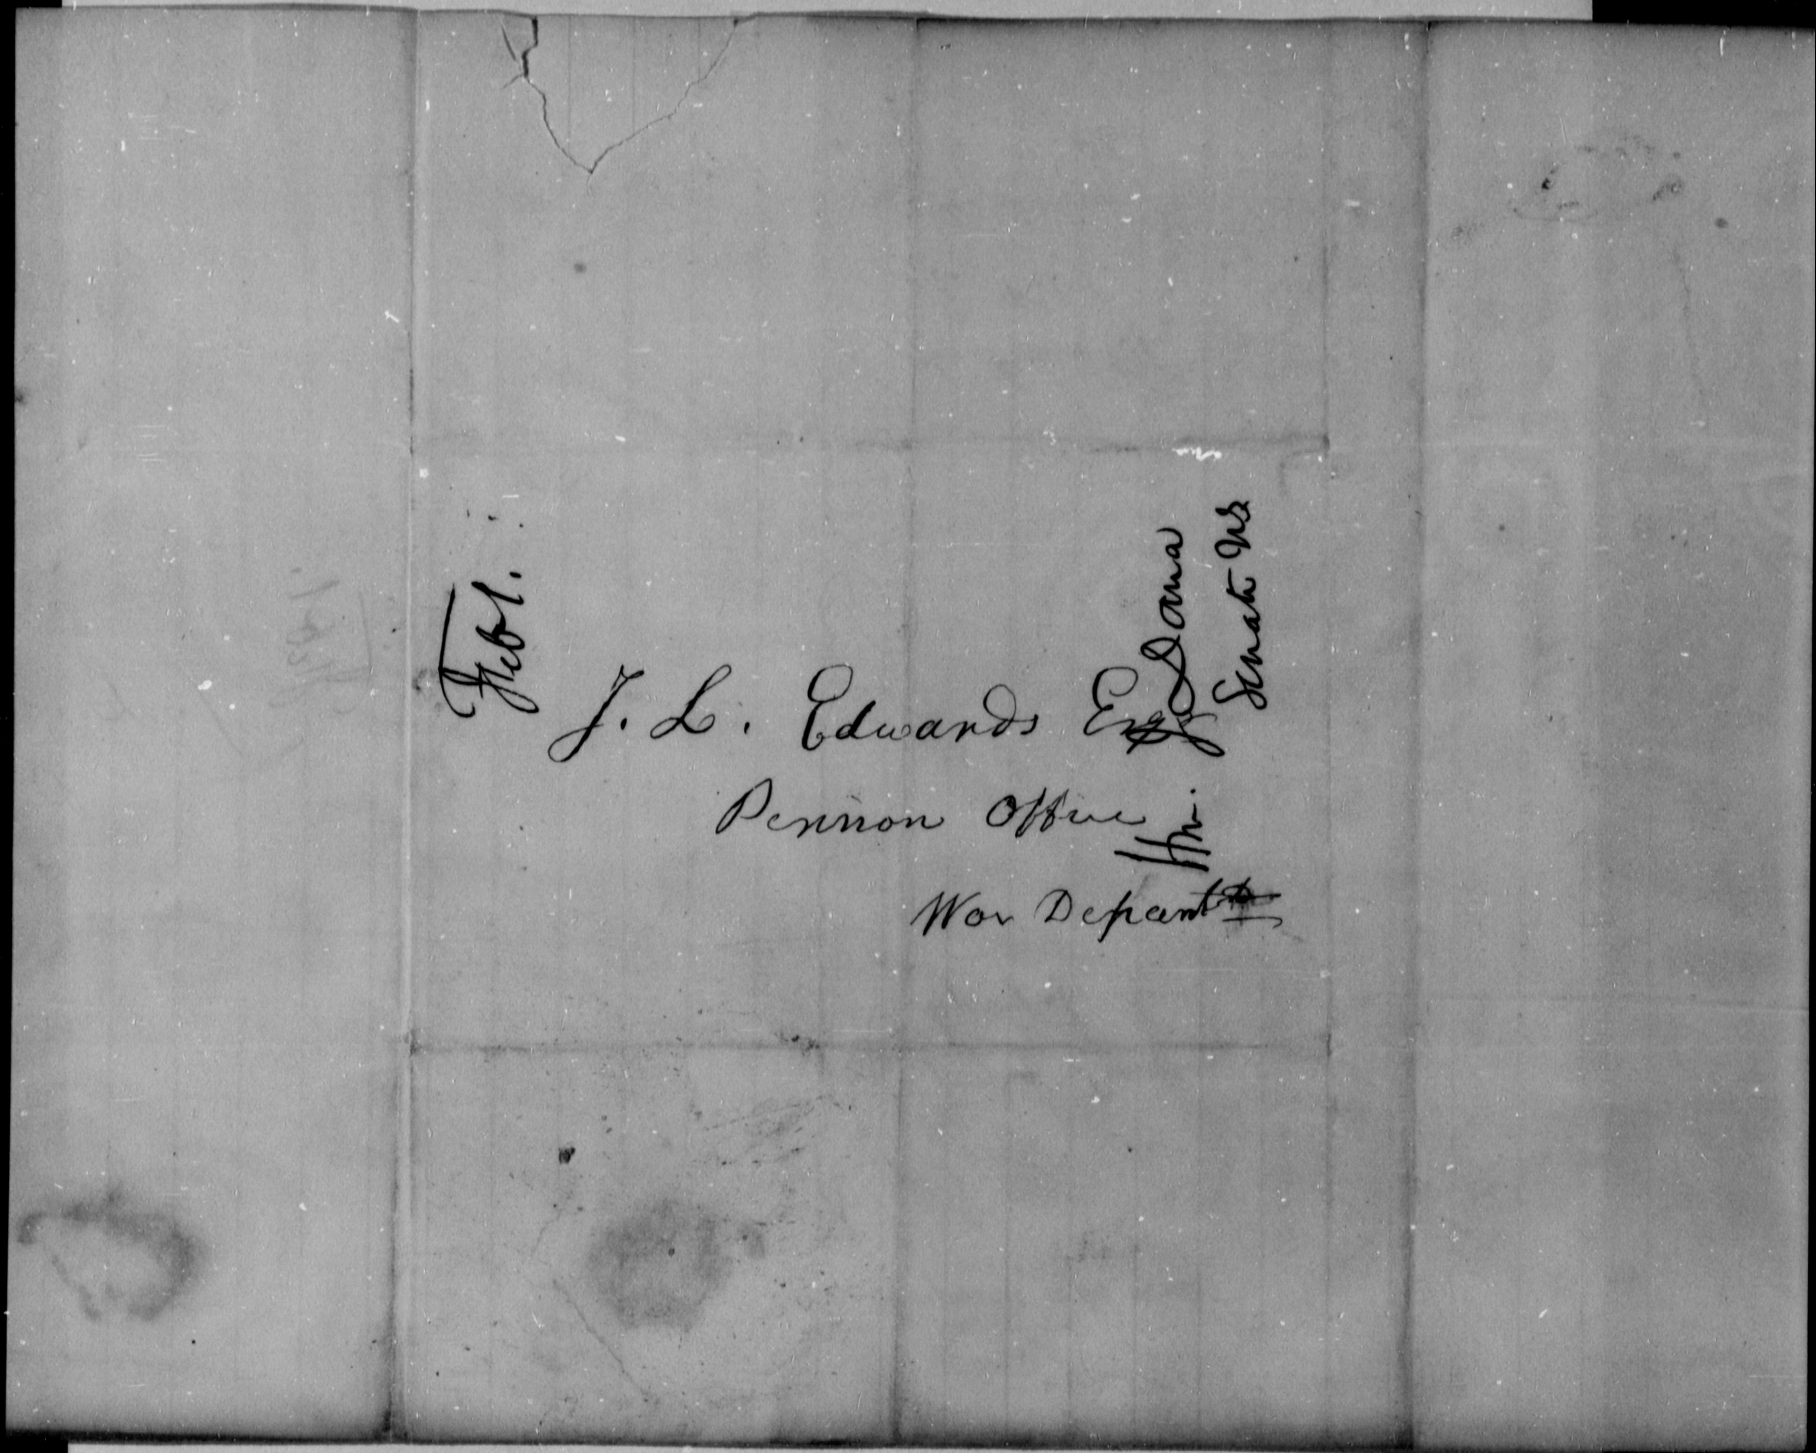[LEFT VERTICAL]
Febr.

[CENTER PROPER]
J. L. Edwards, Esq.
Pension Office
War Department

[RIGHT VERTICAL]
Hon. J. Dana
Senate U.S.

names: J L Edwards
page: 62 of 86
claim: survivor's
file: S 29,568, Isaac Abbot, Mass